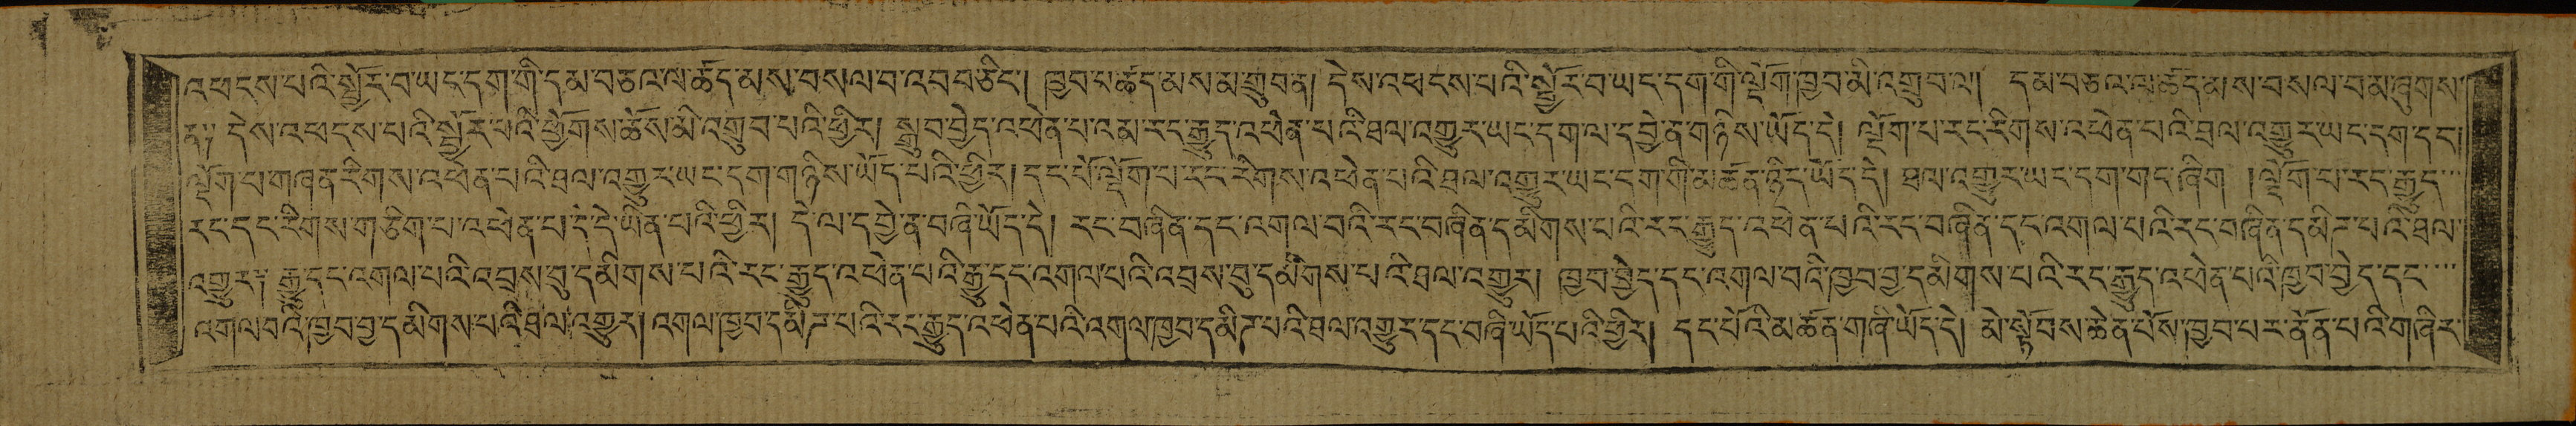འཕངས་པའི་སྦྱོར་བ་ཡང་དག་གི་དམ་བཅའ་ལ་ཚད་མས་བསལ་བ་འབབ་ཅིང་། ཁྱབ་པ་ཚད་མས་མ་གྲུབ་ན། དེས་འཕངས་པའི་སྦྱོར་བ་ཡང་དག་གི་ལྡོག་ཁྱབ་མི་འགྲུབ་ལ། དམ་བཅའ་ལ་ཚད་མས་བསལ་བ་མ་ཞུགས་
ན༑ དེས་འཕངས་པའི་སྦྱོར་པའི་ཕྱོགས་ཆོས་མི་འགྲུབ་པའི་ཕྱིར། སྒྲུབ་བྱེད་འཕེན་པ་འམ་རང་རྒྱུད་འཕེན་པའི་ཐལ་འགྱུར་ཡང་དག་ལ་དབྱེ་ན་གཉིས་ཡོད་དེ། ལྡོག་པ་རང་རིགས་འཕེན་པའི་ཐལ་འགྱུར་ཡང་དག་དང་།
ལྡོག་པ་གཞན་རིགས་འཕེན་པའི་ཐལ་འགྱུར་ཡང་དག་གཉིས་ཡོད་པའི་ཕྱིར། དང་པོ་ལྡོག་པ་རང་རིགས་འཕེན་པའི་ཐལ་འགྱུར་ཡང་དག་གི་མཚན་ཉིད་ཡོད་དེ། ཐལ་འགྱུར་ཡང་དག་གང་ཞིག །ལྡོག་པ་རང་རྒྱུད་
རང་དང་རིགས་གཅིག་པ་འཕེན་པ་དེ་དེ་ཡིན་པའི་ཕྱིར། དེ་ལ་དབྱེ་ན་བཞི་ཡོད་དེ། རང་བཞིན་དང་འགལ་བའི་རང་བཞིན་དམིགས་པའི་རང་རྒྱུད་འཕེན་པའི་རང་བཞིན་དང་འགལ་པའི་རང་བཞིན་དམིགས་པའི་ཐལ་
འགྱུར༑ རྒྱུ་དང་འགལ་བའི་འབྲས་བུ་དམིགས་པའི་རང་རྒྱུད་འཕེན་པའི་རྒྱུ་དང་འགལ་པའི་འབྲས་བུ་དམིགས་པའི་ཐལ་འགྱུར། ཁྱབ་བྱེད་དང་འགལ་བའི་ཁྱབ་བྱ་དམིགས་པའི་རང་རྒྱུད་འཕེན་པའི་ཁྱབ་བྱེད་དང་
འགལ་བའི་ཁྱབ་བྱ་དམིགས་པའི་ཐལ་འགྱུར། འགལ་ཁྱབ་དམིགས་པའི་རང་རྒྱུད་འཕེན་པའི་འགལ་ཁྱབ་དམིགས་པའི་ཐལ་འགྱུར་དང་བཞི་ཡོད་པའི་ཕྱིར། དང་པོའི་མཚན་གཞི་ཡོད་དེ། མེ་སྟོབས་ཆེན་པོས་ཁྱབ་པར་ནོན་པའི་གཞིར་